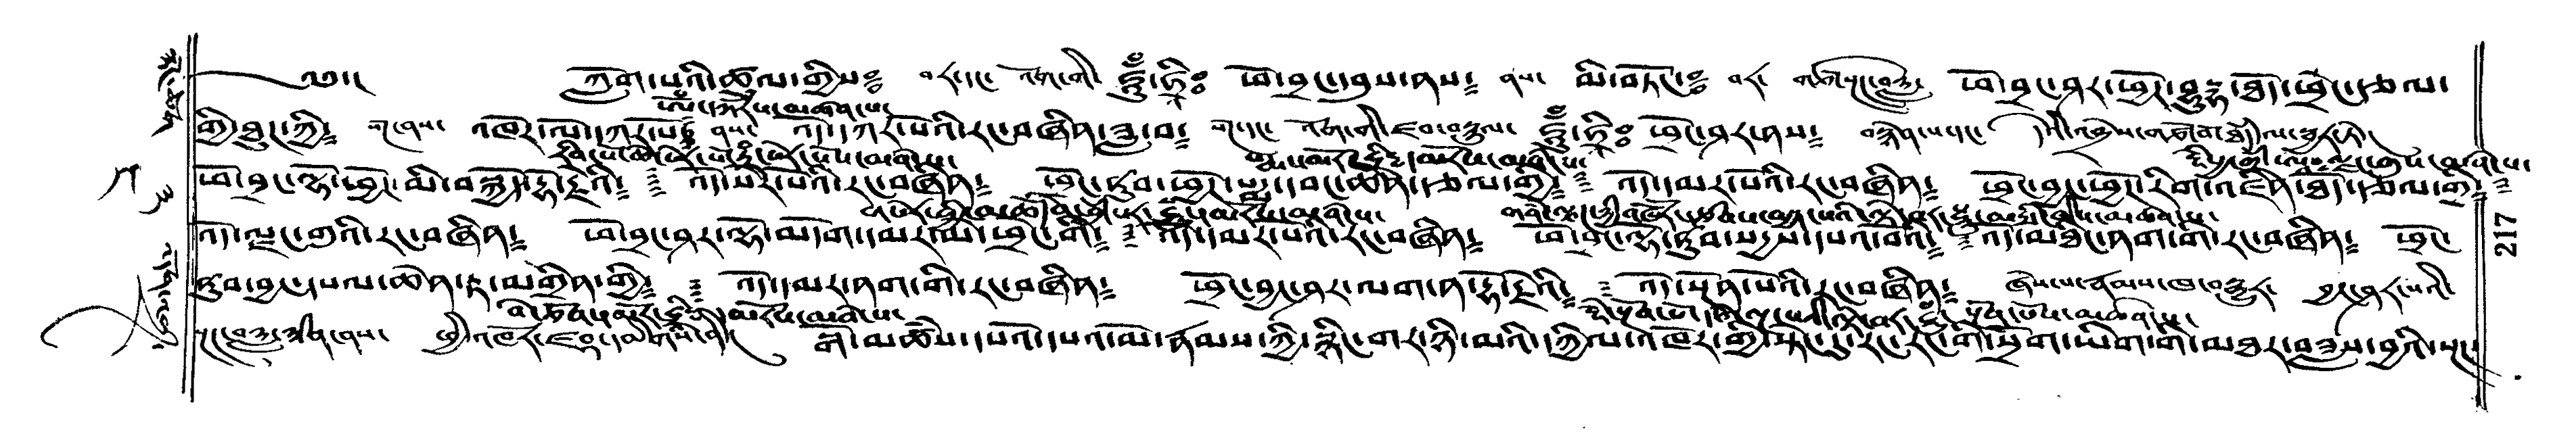ཀློག་པའི་ཚུལ་གྱིས༴ བར་དང་། འོག་གི ཧཱུྃ་ཧྲཱི༔ ཕོ་བྲང་དབུས་ནས༴ ནས། མི་གཏོང༔ བར། རྩ་སྔགས་བཟླ། ཕོ་བྲང་ཤར་ཕྱོགས་བུདྡྷ་ཐོད་ཕྲེང་རྩལ་
གྱི་ཐུགས་ཀྱི༴ སོགས་ནས། འཁོར་ལོ་དཀར་པོ་ཨོཾ་དཀར་པོས་མཚན་པ༴ ནས། འོད་དཀར་པོའི་རང་བཞིན་ཟླ་བ༴ སོགས་དང་། འོག་གི་ཛབ་སྐུལ། ཧཱུྃ་ཧྲཱི༔ ཕོ་བྲང་ཤར་ནས༴ སྙེན་པ་དང་། དེའི་འགྲེས་གཙོ་བོ་ཐམས་ཅད་ལ་སྦྱར་ཏེ།
ཕོ་བྲང་ལྷོ་ཕྱོགས་མི་སྐྱོད་རྡོ་རྗེའི༴ རིན་པོ་ཆེ་སེར་པོ་ཏྲཾ་སེར་པོས་མཚན་པ༴ འོད་སེར་པོའི་རང་བཞིན༴ ཕོ་བྲང་ནུབ་ཕྱོགས་པདྨ་དབང་ཆེན་རྩལ་གྱི༴ པདྨ་དམར་པོ་ཧྲིཿདམར་པོས་མཚན་པ༴ འོད་དམར་པོའི་རང་བཞིན༴ ཕོ་བྲང་བྱང་ཕྱོགས་རིག་འཛིན་ཐོད་འཆང་རྩལ་གྱི༴ རྡོ་རྗེ་རྒྱ་གྲམ་ཨཱཿལྗང་གུས་མཚན་པ། 
འོད་ལྗང་གུའི་རང་བཞིན༴ ཕོ་བྲང་ཤར་ལྷོ་མདོག་དམར་མེ་ཕྲེང་གི༴ གསེར་གྱི་མཆོད་རྣེ་བུམ་པར་ཧཱུྃ་དམར་པོས་མཚན་པ༴ འོད་དམར་པོའི་རང་བཞིན༴ ཕོ་བྲང་ལྷོ་ནུབ་སངས་རྒྱས་དཔའ་བོའི༴ གནམ་ལྕགས་ཀྱི་འཁོར་ལོ་རྩིབས་བརྒྱད་པའི་ལྟེ་བར་ཧཱུཾ་མཐིང་གས་མཚན་པ། འོད་ཐིང་ནག་གི་རང་བཞིན༴ ཕོ་བྲང་
ནུབ་བྱང་དཔལ་ཆེན་རྟ་མགྲིན་གྱི༴ བེ་ཅོན་དམར་པོ་ཧྲཱིཿདམར་པོས་མཚན་པ༴ འོད་དམར་ནག་གི་རང་བཞིན༴ ཕོ་བྲང་བྱང་ཤར་ལག་ན་རྡོ་རྗེའི༴ རྡོ་རྗེ་སྔོན་པོ་རྩེ་ལྔ་པའི་ལྟེ་བར་ཧཱུྃ་སྔོན་པོས་མཚན་པ༴ འོད་སྔོན་པོའི་རང་བཞིན༴ ཞེས་པ་རྣམས་ཁ་བསྒྱུར། བྱང་ཤར་ཀྱྀ་
སྔགས་བཟླ་ཟིན་ནས། ཕྱི་འཁོར་ཛབ་དམིགས་ནི། སྒོ་མཚམས་དཔའ་བོ་དཔའ་མོ་རྣམས་ཀྱི་སྙིང་གར་ཉི་མའི་དཀྱིལ་འཁོར་གྱི་སྟེང་དུ་རང་རང་གི་སྲོག་ཡིག་གི་མཐར་བཟླ་བྱའི་སྔགས་